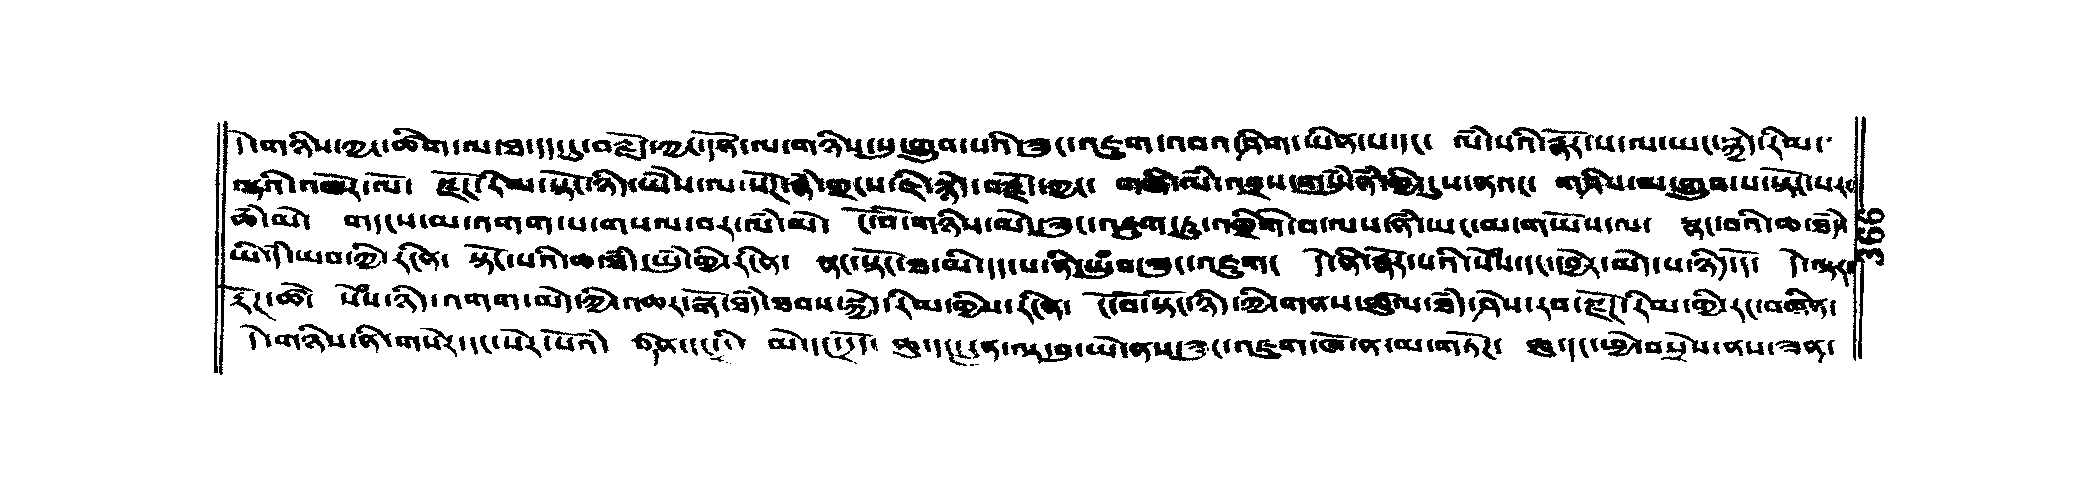དེ་གཉིས་ཀྱང་ཚིག་ལ་ཐ་དད་དུ་བརྗོད་ཀྱང་དོན་ལ་གཉིས་སུ་མ་གྲུབ་པའི་ཟུང་འཇུག་འབའ་ཤིག་ཡིན་པ་དང་། ལམ་པའི་རྣལ་འབྱོར་པ་ལ་ཡང་བསྐྱེད་རིམ་
ལྷའི་འཁོར་ལོ། རྫོགས་རིམ་སྟོང་ཉིད་ཡེ་ཤེས་ལ་སོགས་རྣམ་གྲངས་ཇི་སྙེད་བརྗོད་ཀྱང་། གཞི་ལམ་འབྲས་གསུམ་ནམ་གྱི་དུས་ནའང་། གཤིས་མ་གྲུབ་པ་སྟོང་པར་
ཆམ་མེ། གདངས་མ་འགག་པ་གསལ་བར་ལམ་མེ། ངོ་བོ་གཉིས་མེད་ཟུང་འཇུག་ཏུ་འཁྲིག་གེ་བ་ལས་ནམ་ཡང་མ་གཡོས་ལ། སྣང་བའི་ཆ་ཐམས་ཅད་
ཡི་དམ་ཡབ་ཀྱི་རང་བཞིན། སྟོང་པའི་ཆ་ཐམས་ཅད་ཡུམ་གྱི་རང་བཞིན། སྣང་སྟོང་ཐ་མི་དད་པ་ནི་ཡབ་ཡུམ་ཟུང་འཇུག དེ་ནི་རྣལ་འབྱོར་པའི་སེམས་དང་དབྱེར་མེད་པ་ཉིད་དོ། དེ་ལྟར་
རྟོགས་ཚེ། སེམས་ཉིད་འགག་མེད་ཀྱི་འཆར་སྒོ་ཐམས་ཅད་ཐབས་སྐྱེད་རིམ་གྱི་རང་བཞིན། ངོ་བོ་སྟོང་ཉིད་ཀྱི་གནས་ཚུལ་ཐམས་ཅད་ཤེས་རབ་རྫོགས་རིམ་གྱི་རང་བཞིན།
དེ་གཉིས་ནི་གསེར་དང་སེར་པོའམ། ཙནྡན་དང་དྲི། མེ་དང་དྲོད། ཆུ་དང་རླན་ལྟ་བུ་ཡེ་ནས་ཟུང་འཇུག་ཁོ་ན་མ་གཏོགས། ཆུ་དང་ཕྱེ་བསྲེས་ནས་ཟན་